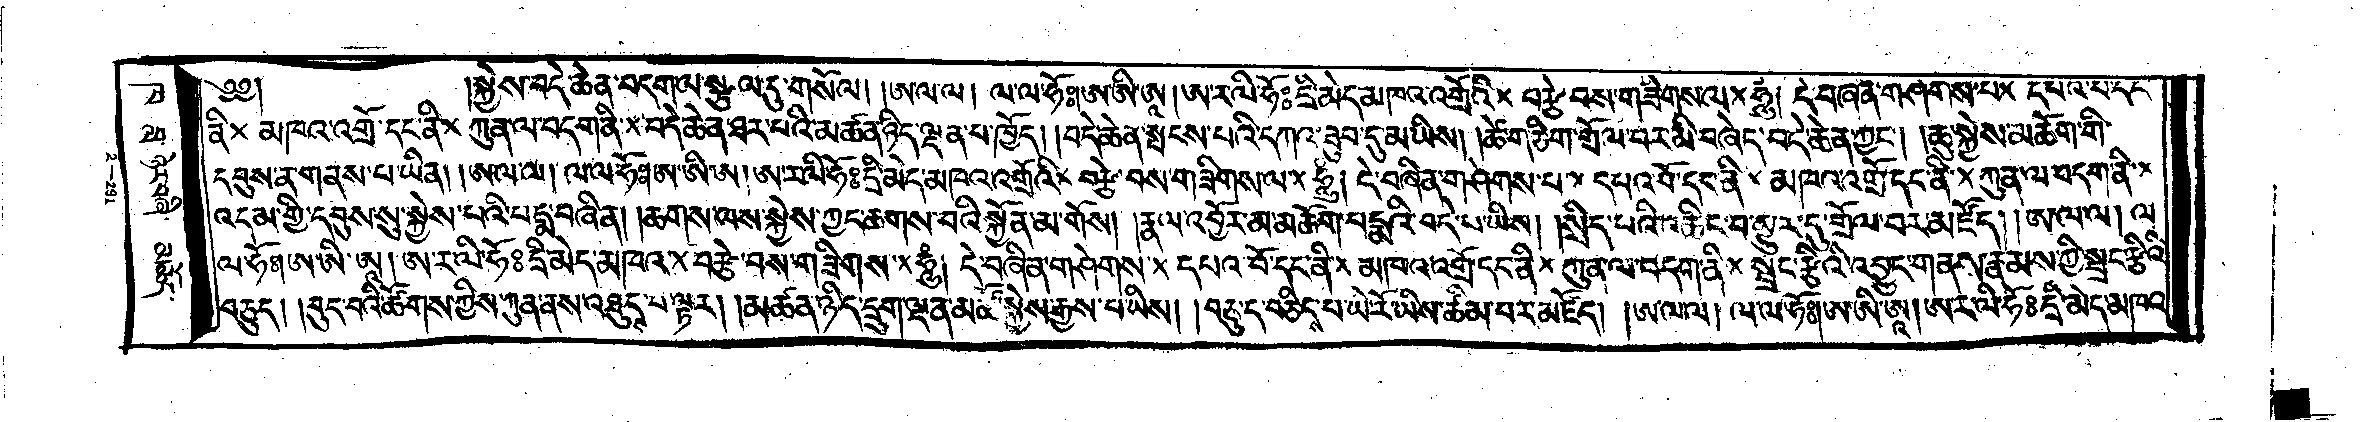༄༅། །སྐྱེས་བདེ་ཆེན་བདག་ལ་སྩལ་དུ་གསོལ། །ཨ་ལ་ལ། ལ་ལ་ཧོཿ། ཨ་ཨི་ཨཱ། ཨ་ར་ལི་ཧོཿ དྲི་མེད་མཁའ་འགྲོའི྾་བརྩེ་བས་གཟིགས་ལ྾་ཧཱུཾ། དེ་བཞིན་གཤེགས་པ྾་དཔའ་པ་དང་
ནི྾་མཁའ་འགྲོ་དང་ནི྾་ཀུན་ལ་བདག་ནི྾་བདེ་ཆེན་ཐར་པའི་མཚན་ཉིད་ལྡན་པ་ཁྱོད། །བདེ་ཆེན་སྤངས་པའི་དཀའ་ཐུབ་དུ་མ་ཡིས། །ཚེ་གཅིག་གྲོལ་བར་མི་བཞེད་བདེ་ཆེན་ཀྱང་། །ཆུ་སྐྱེས་མཆོག་གི་
དབུས་ན་གནས་པ་ཡིན། །ཨ་ལ་ལ། ལ་ལ་ཧོཿ ཨ་ཨི་ཨ། ཨ་ར་ལི་ཧོཿ དྲི་མེད་མཁའ་འགྲོའི྾་བརྩེ་བས་གཟིགས་ལ྾་ཧཱུཾ། དེ་བཞིན་གཤེགས་པ྾་དཔའ་བོ་དང་ནི྾་མཁའ་འགྲོ་དང་ནི྾་ཀུན་ལ་བདག་ནི྾་
འདམ་གྱི་དབུས་སུ་སྐྱེས་པའི་པདམ་བཞིན། །ཆགས་ལས་སྐྱེས་ཀྱང་ཆགས་པའི་སྐྱོན་མ་གོས། །རྣལ་འབྱོར་མ་མཆོག་པདམའི་བདེ་བ་ཡིས། །སྲིད་པའི་འཆིང་བ་མྱུར་དུ་འགྲོལ་བར་མཛོད། །ཨ་ལ་ལ། ལ་
ལ་ཧོཿ། ཨ་ཨི་ཨཱ། ཨ་ར་ལི་ཧོཿ དྲི་མེད་མཁའ྾་བརྩེ་བས་གཟིགས྾་ཧཱུཾ། དེ་བཞིན་གཤེགས྾་དཔའ་བོ་དང་ནི྾་མཁའ་འགྲོ་དང་ནི྾་ཀུན་ལ་བདག་ནི྾་སྦྲང་རྩིའི་འབྱུང་གནས་རྣམས་ཀྱི་སྦྲང་རྩིའི་
བཅུད། །བུད་བའི་ཚོགས་ཀྱིས་ཀུན་ནས་འཐུད་པ་ལྟར། །མཚན་ཉིད་དྲུག་ལྡན་མཚོ་སྐྱེས་རྒྱས་པ་ཡིས། །བཅུད་བཅིད་པ་ཡི་རོ་ཡིས་ཚིམ་པའི་མཛོད། །ཨ་ལ་ལ། ལ་ལ་ཧོཿ། ཨ་ཨི་ཨཱ། ཨ་ར་ལི་ཧོཿ དྲི་མེད་མཁའ་